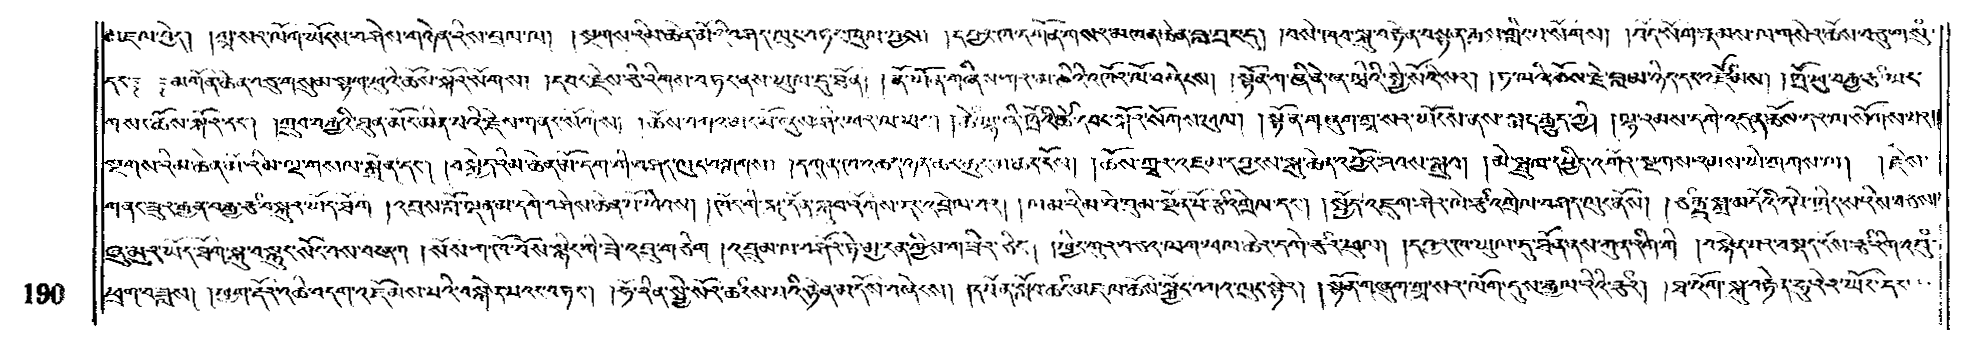མཇལ་བྱེད། །གྲྭ་སར་ལོག་ཡོངས་བཤེས་གཉེན་རིས་བྲལ་ལ། །སྔགས་རིམ་ཆེན་མོའི་བཤད་ལུང་བཏང་ཁུལ་བྱས། །དབྱར་ཁ་དགོན་གསར་མཁན་ཆེན་བླ་བྲང་དུ། །བསེ་ཁྲབ་སྐུ་བརྟེན་བསྟན་རྒྱས་གླིང་པ་སོགས། །བོད་སོག་རྣམས་ལ་གསེར་ཆོས་བཅུ་གསུཾ་
དང༑ ༑མགོན་ཆེན་བཅུ་གསུམ་སྟག་ཕུའི་ཆོས་སྐོར་སོགས། །དབང་རྗེས་ཅི་རིགས་བཏང་ནས་ཡུལ་དུ་ཐོན། །ནོ་ཡོན་གཞིས་ཀར་མ་ཎིའི་འཁོར་ལོ་བཞེངས། །སྟོན་ཀ་ཞི་ནེ་ཞ་ཝིའི?་སྤྱི་སོའི་སར། །ཏ་ལའི་ཆོས་རྗེ་བླ་མ་ཉིད་དང་འཛོམས། །ཁྲོ་ཕུ་བརྒྱ་རྩི་ཡང་
གསང་ཆོས་སྐོར་དང་། །གྲུབ་བརྒྱའི་ཐུན་མོང་མིན་པའི་རྗེས་གནང་སོགས། །ཆོས་བཀའ་མང་པོ་ཞུས་ཤིང་ཕར་ལ་ཡང་། །ཚེ་ལྷ་ཞི་ཁྲོའི་ཚེ་དབང་སྐོར་སོགས་ཕུལ། །སྟོན་གཞུག་གྲྭ་སར་ཡོངས་ནས་སྨད་རྒྱུད་ཀྱི། །ལྷ་རམས་དགེ་འདུན་ཆོས་དར་ལ་སོགས་པར།།
སྔགས་རིམ་ཆེན་མོ་རིམ་ལྔ་གསལ་སྒྲོན་དང་། །བསྐྱེད་རིམ་ཆེན་མོ་དག་གི་བཤད་ལུང་བཀླགས། །དགུན་ཁ་འཆད་ཉན་ཆར་ཆུང་མ་ཆད་དོས། །ཆོས་གྲྭར་འཇམ་དབྱངས་སྐུ་ཆེན་འབྱོར་ཐབས་སྒྲུབ། །མེ་སྦྲུལ་དཔྱིད་འགོར་སྔགས་རམས་ཡེ་གྲགས་ལ། །རྗེས་
གནང་ཟུར་རྒྱན་བརྒྱ་རྩ་བསྐུར་ཡོད་ཐོག །འབྲས་བློ་ལྡན་མ་དགེ་བཤེས་ཆེན་པོ་ཕིབས། །ཁོང་གི་སྐུ་དོན་སྒྲུབ་རོགས་དང་འབྲེལ་བར། །ལམ་རིམ་བེ་བུམ་སྔོན་པོ་རྩི་འགྲེལ་དང་། །སྤྱོད་འཇུག་ཤེར་ལེ་རྩ་འགྲེལ་བཤད་ལུང་ནོས། །ཙནྡྲ་སྒྲ་མདོའི་དཔེ་ཁྲིད་ས་རིས་བཅས།།
ཞུ་མུར་ཡོད་ཐོག་སྐུ་བསྙུང་སོང་བས་བཞག །སོས་ཀ་ཁོ་བོས་སྙིང་གི་ཟེ་འབྲུ་གཅིག །འབྲུམ་ལ་བཤོར་ཏེ་མྱ་ངན་གྱིས་གཟིར་ཅིང་། །ཕྱིང་གུར་བཅའ་ལག་ཕལ་ཆེར་དགེ་རྩར་ཕུལ། །དབྱར་ཁ་ཡུལ་དུ་ཐོན་ནས་ཀུན་རིག་གི །བསྙེན་པར་བསྡད་ངོས་རྩ་རིག་འབུཾ་
ཕྲག་བཟླས། །ཕྱག་རྡོར་འཆི་བདག་འཇོམས་པའི་བསྙེན་པའང་བཏང་། །ཧོ་རིན་སྤྱི་སོར་ཚངས་པའི་རྟེན་མདོས་བཞེངས། །དཔོན་སློབ་ཚང་མཇལ་ཆོས་སྐྱོང་བཀའ་ལུང་སྟེར། །སྟོན་གཞུག་གྲྭ་སར་ལོག་དུས་རྒྱལ་རིའི་རྩར། །ཐ་འོག་སྐུ་བརྟེན་ཧུ་རེར་ཡོང་དང་